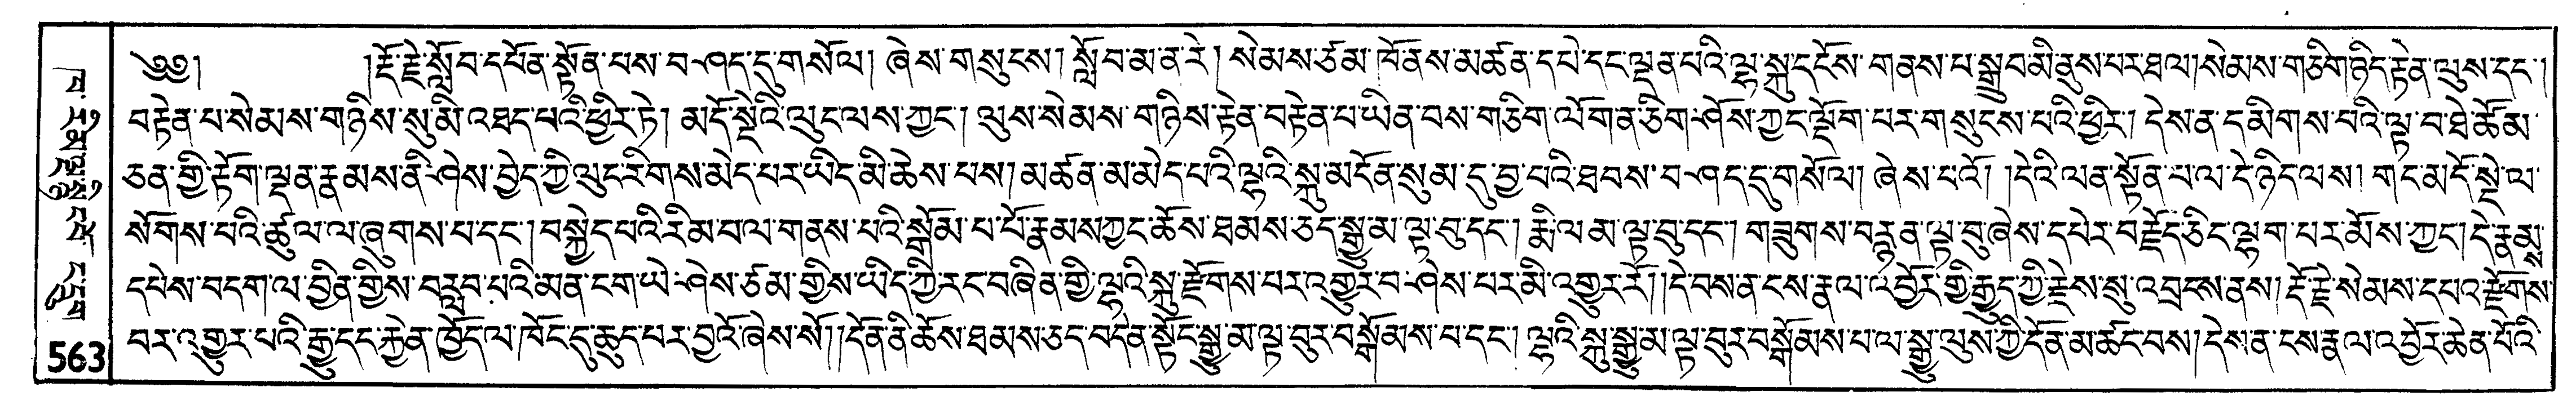༄༅། །རྡོ་རྗེ་སློབ་དཔོན་སྟོན་པས་བཤད་དུ་གསོལ། ཞེས་གསུངས། སློབ་མ་ན་རེ། སེམས་ཙམ་ཁོ་ནས་མཚན་དཔེ་དང་ལྡན་པའི་ལྷ་སྐུ་དངོས་གནས་པ་སྒྲུབ་མི་ནུས་པར་ཐལ། སེམས་གཅིག་ཉིད་རྟེན་ལུས་དང་།
བརྟེན་པ་སེམས་གཉིས་སུ་མི་འཐད་པའི་ཕྱིར་ཏེ། མདོ་སྡེའི་ལུང་ལས་ཀྱང་། ལུས་སེམས་གཉིས་རྟེན་བརྟེན་པ་ཡིན་བས་གཅིག་ལོག་ན་ཅིག་ཤོས་ཀྱང་ལྡོག་པར་གསུངས་པའི་ཕྱིར། དེས་ན་དམིགས་པའི་ལྟ་བ་ཐེ་ཚོམ་
ཅན་གྱི་རྟོག་ལྡན་རྣམས་ནི་ཤེས་བྱེད་ཀྱི་ལུང་རིགས་མེད་པར་ཡིད་མི་ཆེས་པས། མཚན་མ་མེད་པའི་ལྷའི་སྐུ་མངོན་སུམ་དུ་བྱ་བའི་ཐབས་བཤད་དུ་གསོལ། ཞེས་པའོ། །དེའི་ལན་སྟོན་པ་ལ་དེ་ཉིད་ལས། གང་མདོ་སྡེ་ལ་
སོགས་པའི་ཚུལ་ལ་ཞུགས་པ་དང་། བསྐྱེད་པའི་རིམ་པ་ལ་གནས་པའི་སྒོམ་པ་པོ་རྣམས་ཀྱང་ཆོས་ཐམས་ཅད་སྒྱུ་མ་ལྟ་བུ་དང་། རྨི་ལམ་ལྟ་བུ་དང་། གཟུགས་བརྙན་ལྟ་བུ་ཞེས་དཔེར་བརྗོད་ཅིང་ལྷག་པར་མོས་ཀྱང་། དེ་རྣམས་
དཔེས་བདག་ལ་བྱིན་གྱིས་བརླབ་པའི་མན་ངག་ཡེ་ཤེས་ཙམ་གྱིས་ཡིད་ཀྱི་རང་བཞིན་གྱི་ལྷའི་སྐུ་རྫོགས་པར་འགྱུར་བ་ཤེས་པར་མི་འགྱུར་རོ། །དེ་བས་ན་ངས་རྣལ་འབྱོར་གྱི་རྒྱུད་ཀྱི་རྗེས་སུ་འབྲངས་ནས། རྡོ་རྗེ་སེམས་དཔའ་རྫོགས་
བར་འགྱུར་པའི་རྒྱུ་དང་རྐྱེན་ཁྱོད་ལ་ཁོང་དུ་ཆུད་པར་བྱའོ་ཞེས་སོ། །དོན་ནི་ཆོས་ཐམས་ཅད་བདེན་སྟོང་སྒྱུ་མ་ལྟ་བུར་བསྒོམས་པ་དང་། ལྷའི་སྐུ་སྒྱུ་མ་ལྟ་བུར་བསྒོམས་པ་ལ་སྒྱུ་ལུས་ཀྱི་དོན་མ་ཚང་བས། དེས་ན་ངས་རྣལ་འབྱོར་ཆེན་པོའི་